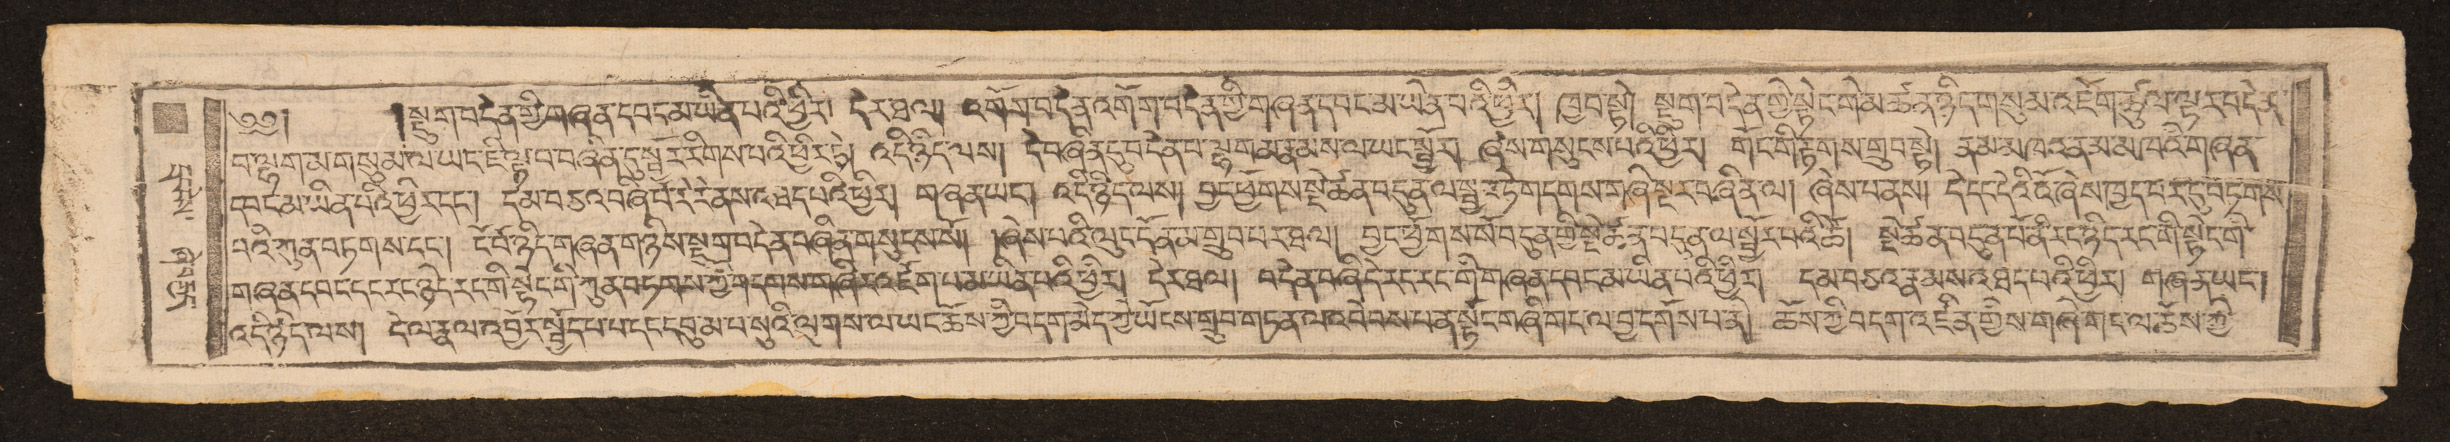༄༅། །སྡུག་བདེན་གྱི་གཞན་དབང་མ་ཡིན་པའི་ཕྱིར། དེར་ཐལ། འགོག་བདེན་འགོག་བདེན་གྱི་གཞན་དབང་མ་ཡིན་པའི་ཕྱིར། ཁྱབ་སྟེ། སྡུག་བདེན་གྱི་སྟེང་གི་མཚན་ཉིད་གསུམ་འཇོག་ཚུལ་ལྟར་བདེན་
པ་ལྷག་མ་གསུམ་ལ་ཡང་ཇི་ལྟ་བ་བཞིན་དུ་སྦྱོར་རིགས་པའི་ཕྱིར་ཏེ། འདི་ཉིད་ལས། དེ་བཞིན་དུ་བདེན་པ་ལྷག་མ་རྣམས་ལ་ཡང་སྦྱོར། ཞེས་གསུངས་པའི་ཕྱིར། གོང་གི་རྟགས་གྲུབ་སྟེ། ནམ་མཁའ་ནམ་མཁའི་གཞན་
དབང་མ་ཡིན་པའི་ཕྱིར་དང་། དམ་བཅའ་བཞི་བོ་རེ་རེ་ནས་འཐད་པའི་ཕྱིར། གཞན་ཡང་། འདི་ཉིད་ལས། བྱང་ཕྱོགས་སྡེ་ཚན་བདུན་ལ་སྦྱར་ཏེ་གདགས་གཞི་སྔར་བཞིན་ལ། ཞེས་པ་ནས། དེ་དང་དེའི་འོ་ཞེས་ཁྱད་པར་དུ་བཏགས་
པའི་ཀུན་བཏགས་དང་། ངོ་བོ་ཉིད་གཞན་གཉིས་སྡུག་བདེན་བཞིན་གསུངས་སོ། །ཞེས་བའི་ལུང་དོན་མ་གྲུབ་པར་ཐལ། བྱང་ཕྱོགས་སོ་བདུན་གྱི་སྡེ་ཚན་བདུན་ལ་སྦྱོར་བའི་ཚེ། སྡེ་ཚན་བདུན་པོ་ནི་རང་ཉིད་རང་གི་སྟེང་གི་
གཞན་དབང་དང་རང་ཉིད་རང་གི་སྟེང་གི་ཀུན་བཏགས་ཀྱི་གདགས་གཞིར་འཇོག་པ་མ་ཡིན་པའི་ཕྱིར། དེར་ཐལ། བདེན་བཞི་དེ་རང་རང་གི་གཞན་དབང་མ་ཡིན་པའི་ཕྱིར། དམ་བཅའ་རྣམས་འཐད་པའི་ཕྱིར། གཞན་ཡང་།
འདི་ཉིད་ལས། དེ་ལ་རྣལ་འབྱོར་སྤྱོད་པ་བ་དང་དབུ་མ་བ་སུའི་ལུགས་ལ་ཡང་ཆོས་ཀྱི་བདག་མེད་ཀྱི་ཡོངས་གྲུབ་གཏན་ལ་འབེབས་བ་ན་སྟོང་གཞི་གང་ལ་བྱ་དགོས་པ་ནི། ཆོས་ཀྱི་བདག་འཛིན་གྱིས་གཞི་གང་ལ་ཆོས་ཀྱི་